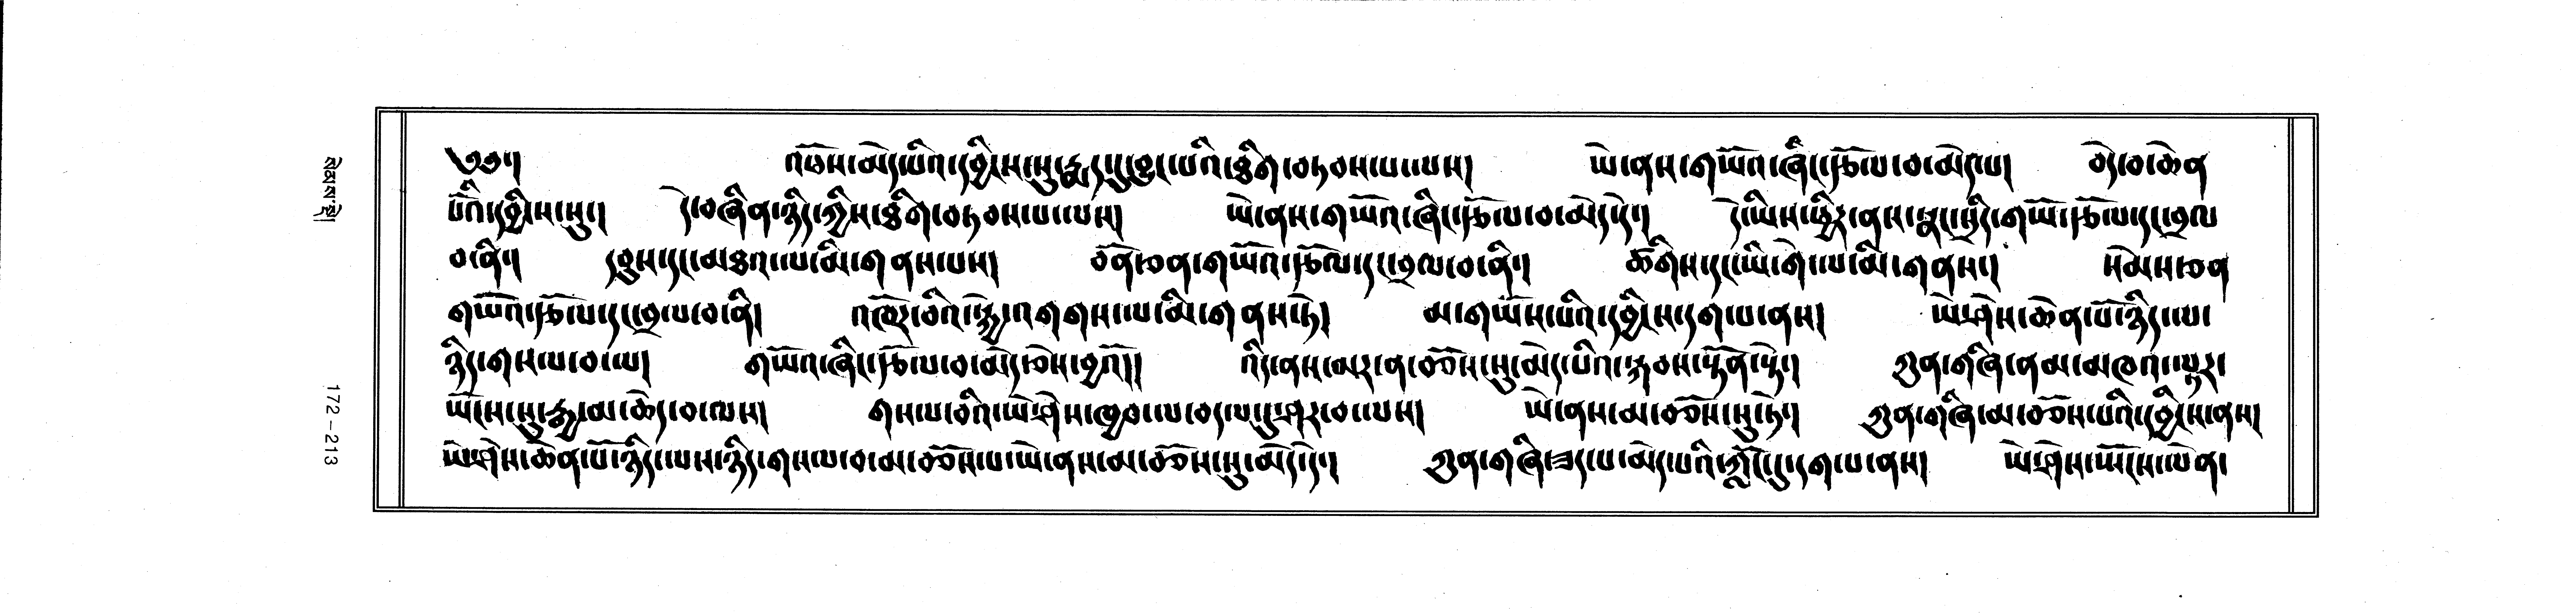འཕོས་མེད་པའི་དབྱིངས་སུ་རྨད་དུ་བྱུང་པའི་ཐིག་བཏབས་པ་ལས། ཡེ་ནས་གཡོའ་ཞིང་རྩོལ་བ་མེད་པ། བདེ་བ་ཆེན་
པོའི་དབྱིངས་སུ། དེ་བཞིན་ཉིད་ཀྱིས་ཐིག་བཏབས་པ་ལས། ཡེ་ནས་གཡོའ་ཞིང་རྩོལ་བ་མེད་དེ། དེ་ཡིས་ཕྱིར་ནས་སྣང་སྲིད་གཡོ་རྩོལ་དང་བྲལ་
བ་ནི། དབུས་དང་མཐའ་ལ་མི་གནས་པས། བོན་ཅན་གཡོའ་རྩོལ་དང་བྲལ་བ་ནི། ཚིག་དང་ཡི་གེ་ལ་མི་གནས། སེམས་ཅན་
གཡོའ་རྩོལ་དང་བྲལ་བ་ནི། འཁོར་བའི་སྐྱེ་འགགས་ལ་མི་གནས་ཏེ། མ་གཡོས་པའི་དབྱིངས་དག་པ་ནས། ཡེ་ཤེས་ཆེན་པོ་ཉིད་ལ་
ཉིད་གསལ་བ་ལ། གཡོའ་ཞིང་རྩོལ་བ་མེད་ཅེས་བྱའོ། འདི་ནས་མར་ན་བཅོས་སུ་མེད་པའི་སྐབས་སྟོན་སྟེ། ཀུན་གཞི་ནམ་མཁའ་ལྟར་
ཡོངས་སུ་རྒྱ་མ་ཆེད་བ་ལས། གསལ་བའི་ཡེ་ཤེས་ཁྱབ་ལ་བདལ་དུ་ཤར་བ་ལས། ཡེ་ནས་མ་བཅོས་སུ་མེད་ཏེ། ཀུན་གཞི་མ་བཅོས་པའི་དབྱིངས་ནས། 
ཡེ་ཤེས་ཆེན་པོ་ཉིད་ལས་ཉིད་གསལ་བ་མ་བཅོས་པ་ཡེ་ནས་མ་བཅོས་སུ་མེད་དེ། ཀུན་གཞི་ཟད་པ་མེད་པའི་ཀློང་དུ་དག་པ་ནས། ཡེ་ཤེས་སྤོངས་ལེན་